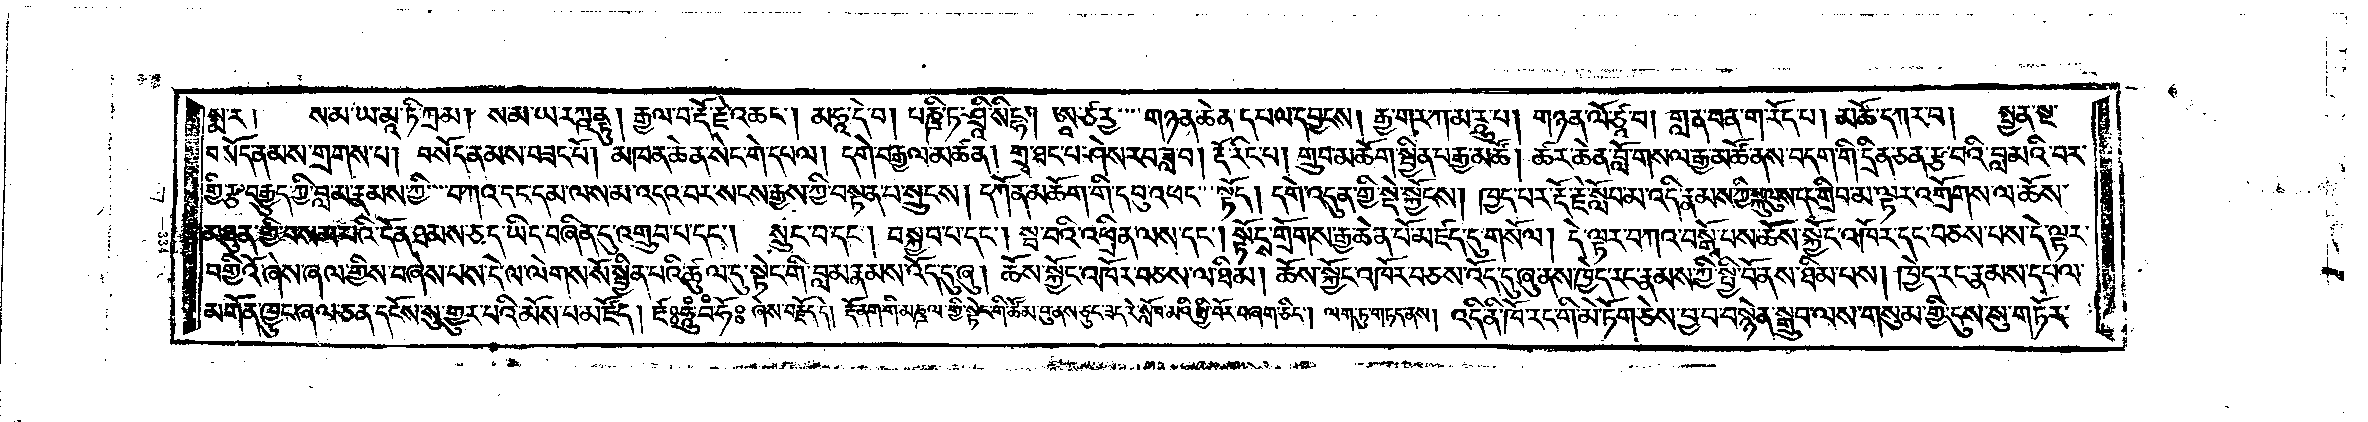སྨར༑ ས་མ་ཡ་མཱ་ཏི་ཀྲ་མ། ས་མ་ཡ་རཀྵནྟུ། རྒྱལ་བ་རྡོ་རྗེ་འཆང་། མཧཱ་དེ་བ། པཎྜི་ཏ་ཤྲཱི་ཀདྷི། ཨཱ་ཙརྱ་གཉན་ཆེན་དཔལ་དབྱངས། རྒྱ་གར་ཀ་མ་རཱུ་པ། གཉན་ལོ་ཙཱ་བ། གླན་བ་ན་ག་རོད་པ། མཚོ་དཀར་བ། སྤྱན་སྔ་
བསོད་ནམས་གྲགས་པ། བསོད་ནམས་བཟང་པོ། མཁན་ཆེན་སེང་གེ་དཔལ། དགེ་བ་རྒྱལ་མཚན། གྲྭ་ཐང་བ་ཤེས་རབ་ཟླ་བ། རྡོ་རིང་པ། གྲུབ་མཆོག་སྦྱིན་པ་རྒྱ་མཚོ། ཚར་ཆེན་བློ་གསལ་རྒྱ་མཚོ་ནས་བདག་གི་དྲིན་ཅན་རྩ་བའི་བླ་མའི་བར་
གྱི་རྩ་བརྒྱུད་ཀྱི་བླ་མ་རྣམས་ཀྱི་བཀའ་དང་དམ་ལས་མ་འདའ་བར་སངས་རྒྱས་ཀྱི་བསྟན་པ་སྲུངས། དཀོན་མཆོག་གི་དབུ་འཕང་སྟོད། དགེ་འདུན་གྱི་སྡེ་སྐྱོངས། ཁྱད་པར་རྡོ་རྗེ་སློབ་མ་འདི་རྣམས་ཀྱི་སྐུ་ལུས་དང་གྲིབ་མ་ལྟར་འགྲོགས་པ་ཆོས་
མཐུན་གྱི་བསམ་པའི་དོན་ཐམས་ཅད་ཡིད་བཞིན་དུ་འགྲུབ་པ་དང་། སྲུང་བ་དང་། བསྐྱབ་པ་དང་། སྦ་བའི་འཕྲིན་ལས་དང་། སྟོངས་གྲོགས་རྒྱ་ཆེན་པོ་མཛད་དུ་གསོལ། དེ་ལྟར་བཀའ་བསློ་བས་ཆོས་སྐྱོང་འཁོར་དང་བཅས་པས་དེ་ལྟར་
བགྱིའོ་ཞེས་ཞལ་གྱིས་བཞེས་པས་དེ་ལ་ལེགས་སོ་སྦྱིན་པའི་ཚུལ་དུ་སྟེང་གི་བླ་མ་རྣམས་འོད་དུ་ཞུ། ཆོས་སྐྱོང་འཁོར་བཅས་ལ་བི་མ། ཆོས་སྐྱོང་འཁོར་བཅས་འོད་དུ་ཞུ་ནས་ཁྱེད་རང་རྣམས་ཀྱི་སྤྱི་བོ་ནས་ཐིམ་པས། ཁྱེད་རང་རྣམས་དཔལ་
མགོན་ཁྱུང་ཞལ་ཅན་དངོས་སུ་གྱུར་པའི་མོས་པ་མཛོད། ཛཿཧཱུཾ་བཾ་ཧོཿ ཞེས་བརྗོད་དེ། རྡོ་ནག་གི་མཎྜལ་གྱི་སྟེང་གི་ཚོམ་བྱ་ནས་ཅུང་ཟད་རེ་སློབ་མའི་སྤྱི་བོར་བཞག་ཅིང་། ལག་ཏུ་གཏད་ནས།  འདི་ནི་ཁོ་རང་གི་མེ་ཏོག་ཅེས་བྱ་བ་བསྙེན་སྒྲུབ་ལས་གསུམ་གྱི་དུས་སུ་གཏོར་